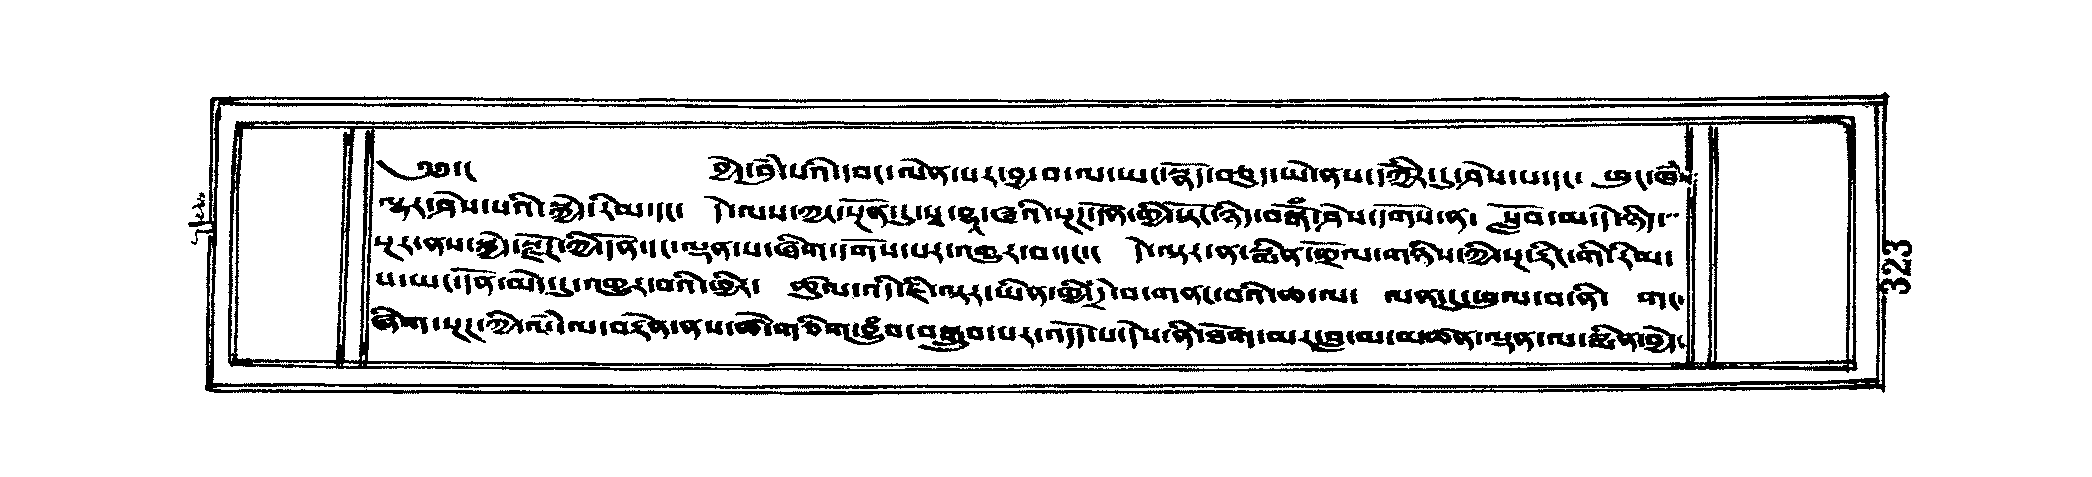བྱེད་བུམ་པའི་དབང་ལེན་པར་བྱ་བ་ལ་ཡང་སྣོད་བཅུད་ཡེ་ནས་དཀྱིལ་འཁོར་དུ་ཤེས་པ་དང་། ཕུང་ཁམས་
ལྷར་ཤེས་པའི་བསྐྱེད་རིམ་དང་། དེ་ལས་ཀྱང་སྔོན་དུ་སྭ་བྷཱ་ཝའི་སྔགས་དོན་གྱི་སྟོང་ཉིད་བསྒོམ་ཤེས་དགོས་ན། སློབ་མ་དེ་ཉིད་
སྔར་ནས་བསྐྱེད་རྫོགས་ཀྱི་དོན་དང་ལྡན་པ་ཞིག་དགོས་པར་འགྱུར་བ་དང་། དེ་ལྟར་ན་སྨིན་གྲོལ་གཉིས་ཀྱི་སྔ་རྟིང་གི་རིམ་
པ་ཡང་དོན་མེད་དུ་འགྱུར་བའི་ཕྱིར། ཚུལ་འདི་ཇི་ལྟར་ཡིན་གྱི་དྲི་བ་གནང་བའི་ཆ་ལ། ལན་དུ་ཕུལ་བ་ནི། གང་
ཞིག་སྔགས་ཀྱི་ལམ་ལ་བརྟེན་ནས་ཚེ་གཅིག་བྱང་ཆུབ་བསྒྲུབ་པར་འདོད་པ་དེས་ནི་ཐོག་མར་བླ་མ་མཚན་ལྡན་ལ་སྨིན་བྱེད་